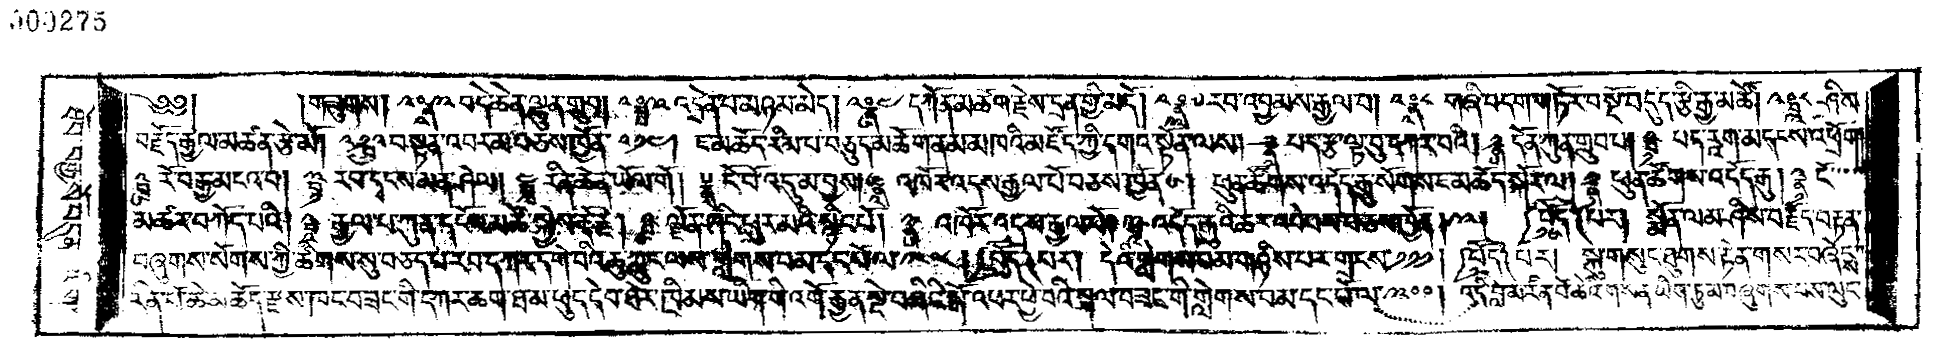༄༅། །གཟུགས། ༢༠༣ན༢་བདེ་ཆེན་ལྷུན་གྲུབ། ༢༠༣བ༥་འདྲེན་པ་མཉམ་མེད། ༢༠༤ན༦་དཀོན་མཆོག་རྗེས་དྲན་གྱི་མདོ། ༢༠༧ན༣་རབ་འབྱམས་རྒྱལ་པ། ༢༠༨ན༢་གཞི་བདག་གཏོར་བསྔོ་བདུད་རྩི་རྒྱ་མཚོ། ༢༠༨བ༣་ཤིས་
བརྗོད་རྒྱལ་མཚན་རྩེ་མོ། ༢༡༢བ༤་བསྟན་འབར་མ་བཅས་ཁྱོན ༢༡༤། ཇ་མཆོད་རིམ་པ་བཅུད་མཆོག་ནམ་མཁའི་མཛོད་ཀྱི་དགའ་སྟོན་ལས། ༡ན༡་པད་རྩ་ལྟ་བུ་དཀར་བའི། ༡ན༥་དོན་ཀུན་གྲུབ་པ། ༢བ༡་པད་རཱག་མདངས་འཕྲོག །
༢བ༦་རོ་བརྒྱ་མངའ་བ། ༣བ༡་རབ་དྭངས་མན་ཤེལ། ༤བ༢་རིན་ཆེན་ཡོལ་གོ། ༥ན༢་ངོ་བོ་འདུ་མ་བྱས། ༦ན༢་འཁོར་འདས་རྒྱལ་པོ་བཅས་ཁྱོན ༦། ཕུན་ཚོགས་འདོད་རྒུ་སོགས་ཇ་མཆོད་སྐོར་ལ། ༡ན༡་ཕུན་ཚོགས་འདོད་རྒུ། ༢ན༡་ངོ་
མཚར་བཀོད་པའི། ༢བ༢་རྒྱལ་པ་ཀུན་དངོས་མཚོ་སྐྱེས་རྡོ་རྗེ། ༢བ༦་ལྗོན་ཤིང་ཕུར་མའི་སྙིང་པོ། ༣ན༥་འཁོར་འདས་རྒྱལ་པོ། ༣བ༢་འདོད་རྒུའི་ཆར་འབེབས་བཅས་ཁྱོན། ༣། ༼པོད༡༦༽ པར། སྨོན་ལམ་ཤིས་བརྗོད་བརྟན་
བཞུགས་སོགས་ཀྱི་ཚིགས་སུ་བཅད་པ་རབ་དཀར་དགེ་བའི་ཆུ་ཀླུང་ལས་གླེགས་བམ་དང་པོ་ལ ༣༠༨། ༼པོད༡༧༽ པར། དེའི་གླེགས་བམ་གཉིས་པར་གྲངས ༡༡༡། ༼པོད༡༨༽ པར། སྐུ་གསུང་ཐུགས་རྟེན་གསར་བཞེངས་
རིན་པོ་ཆེ་མཆོད་རྫས་ཁང་བཟང་གི་དཀར་ཆག་ཐ་མ་ཕུད་དེབ་ཐེར་ཁྲིམས་ཡིག་གི་འགོ་རྒྱན་སྡེ་བཞིའི་སྒོ་འཕར་ཕྱེ་བའི་སྐལ་བཟང་གི་གླེགས་བམ་དང་པོ་ལ་འདི་བླ་མ་རིན་པོ་ཆེའི་གསན་ཡིག་ཏུ་མ་བཞུགས་པས་ལུང་